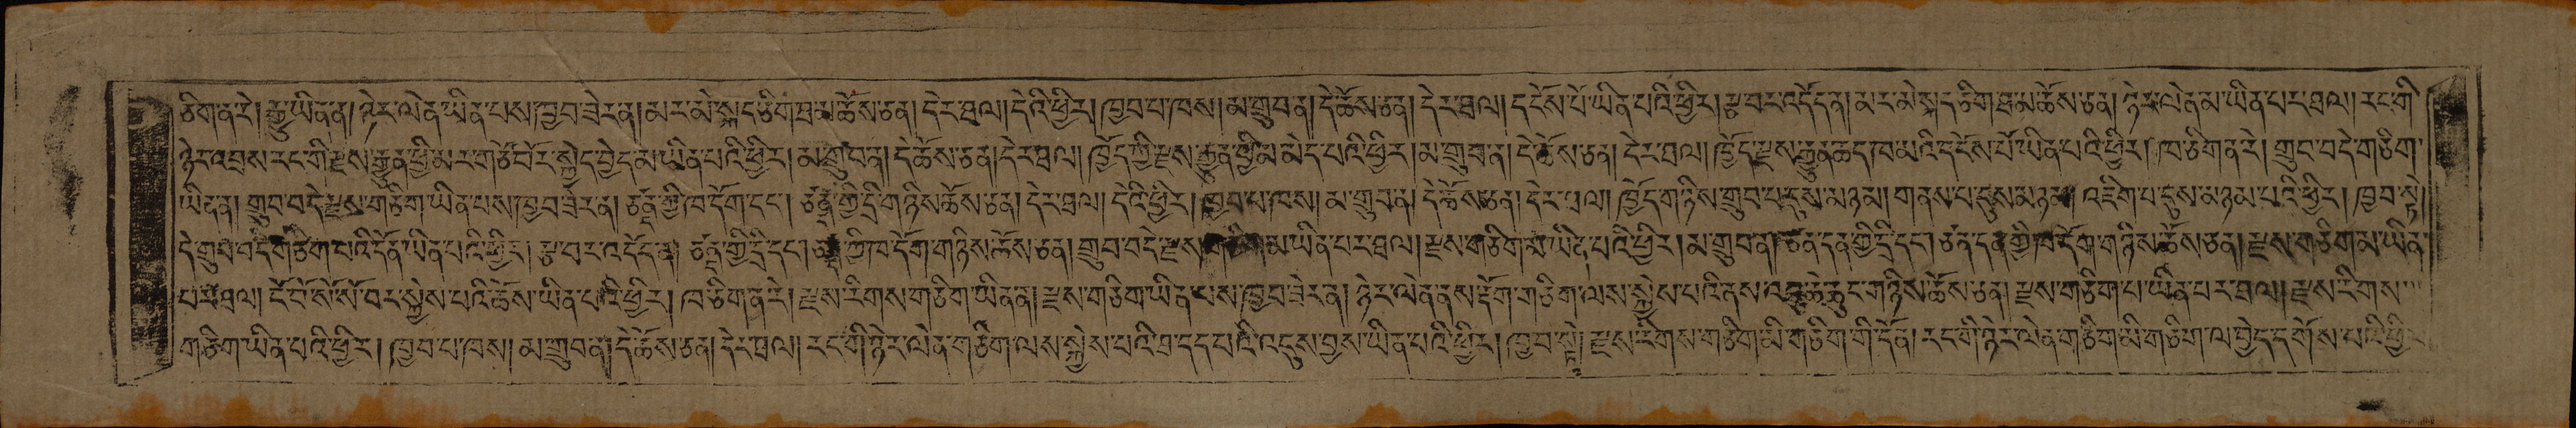ཅིག་ན་རེ། རྒྱུ་ཡིན་ན། ཉེར་ལེན་ཡིན་པས་ཁྱབ་ཟེར་ན། མར་མེ་སྐད་ཅིག་ཐ་མ་ཆོས་ཅན། དེར་ཐལ། དེའི་ཕྱིར། ཁྱབ་པ་ཁས། མ་གྲུབ་ན། དེ་ཆོས་ཅན། དེར་ཐལ། དངོས་པོ་ཡིན་པའི་ཕྱིར། རྩ་བར་འདོད་ན། མར་མེ་སྐད་ཅིག་ཐ་མ་ཆོས་ཅན། ཉེར་ལེན་མ་ཡིན་པར་ཐལ། རང་གི་
ཉེར་འབྲས་རང་གི་རྫས་རྒྱུན་ཕྱི་མར་གཙོ་བོར་སྐྱེད་བྱེད་མ་ཡིན་པའི་ཕྱིར། མ་གྲུབ་ན། དེ་ཆོས་ཅན། དེར་ཐལ། ཁྱོད་ཀྱི་རྫས་རྒྱུན་ཕྱི་མ་མེད་པའི་ཕྱིར། མ་གྲུབ་ན། དེ་ཆོས་ཅན། དེར་ཐལ། ཁྱོད་རྫས་རྒྱུན་ཆད་ཁ་མའི་དངོས་པོ་ཡིན་པའི་ཕྱིར། ཁ་ཅིག་ན་རེ། གྲུབ་བདེ་གཅིག་
ཡིན་ན། གྲུབ་བདེ་རྫས་གཅིག་ཡིན་པས་ཁྱབ་ཟེར་ན། ཙན་དན་གྱི་ཁ་དོག་དང་། ཙན་དན་གྱི་དྲི་གཉིས་ཆོས་ཅན། དེར་ཐལ། དེའི་ཕྱིར། ཁྱབ་པ་ཁས། མ་གྲུབ་ན། དེ་ཆོས་ཅན། དེར་ཐལ། ཁྱོད་གཉིས་གྲུབ་པ་དུས་མཉམ། གནས་པ་དུས་མཉམ། འཇིག་པ་དུས་མཉམ་པའི་ཕྱིར། ཁྱབ་སྟེ་
དེ་གྲུབ་བདེ་གཅིག་པའི་དོན་ཡིན་པའི་ཕྱིར། རྩ་བར་འདོད་ན། ཙན་དན་གྱི་དྲི་དང་། ཙན་དན་ཀྱི་ཁ་དོག་གཉིས་ཆོས་ཅན། གྲུབ་བདེ་རྫས་གཅིག་མ་ཡིན་པར་ཐལ། རྫས་གཅིག་མ་ཡིན་པའི་ཕྱིར། མ་གྲུབ་ན། ཙན་དན་གྱི་དྲི་དང་། ཙན་དན་གྱི་ཁ་དོག་གཉིས་ཆོས་ཅན། རྫས་གཅིག་མ་ཡིན་
པར་ཐལ། ངོ་བོ་སོ་སོ་བར་སྐྱེས་པའི་ཆོས་ཡིན་པའི་ཕྱིར། ཁ་ཅིག་ན་རེ། རྫས་རིགས་གཅིག་ཡིན་ན། རྫས་གཅིག་ཡིན་པས་ཁྱབ་ཟེར་ན། ཉེར་ལེན་ནས་རྡོག་གཅིག་ལས་སྐྱེས་པའི་ནས་འབྲུ་ཆེ་ཆུང་གཉིས་ཆོས་ཅན། རྫས་གཅིག་པ་ཡིན་པར་ཐལ། རྫས་རིགས་
གཅིག་ཡིན་པའི་ཕྱིར། ཁྱབ་པ་ཁས། མ་གྲུབ་ན། དེ་ཆོས་ཅན། དེར་ཐལ། རང་གི་ཉེར་ལེན་གཅིག་ལས་སྐྱེས་པའི་ཐ་དད་པའི་འདུས་བྱས་ཡིན་པའི་ཕྱིར། ཁྱབ་སྟེ། རྫས་རིགས་གཅིག་མི་གཅིག་གི་དོན། རང་གི་ཉེར་ལེན་གཅིག་མི་གཅིག་ལ་བྱེད་དགོས་པའི་ཕྱིར་